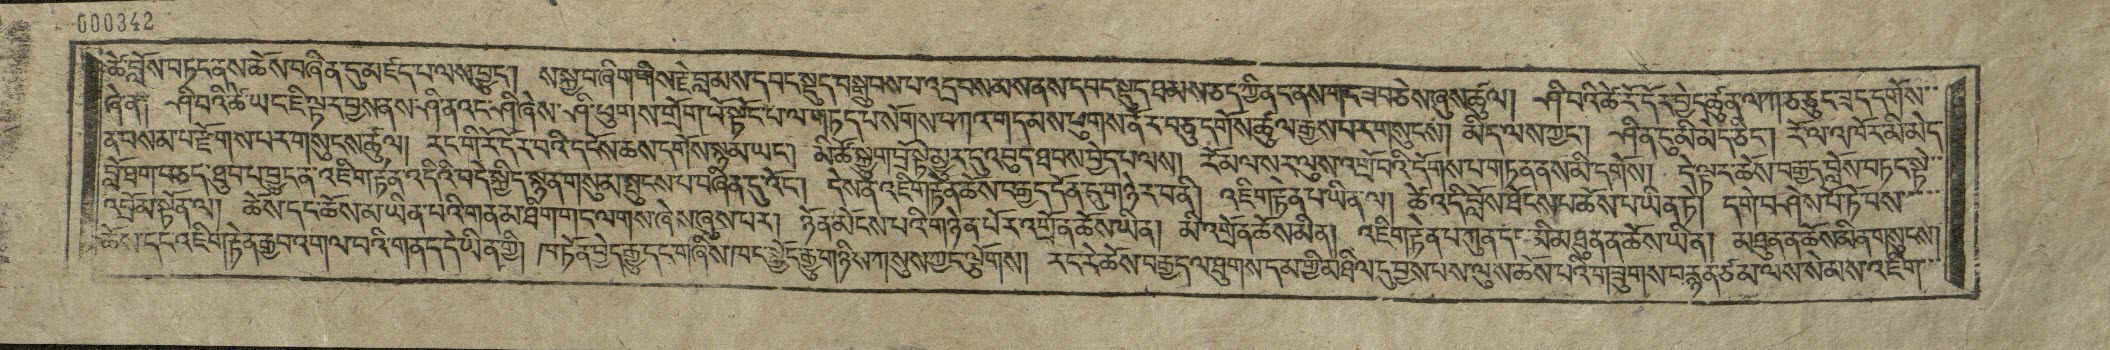ཚེ་བློས་བཏང་ནས་ཆོས་བཞིན་དུ་མཛད་པ་ལས་བྱུང་། ས་སྐྱ་བ་ཞིག་གིས་རྗེ་བླ་མས་དབང་སྡུད་བསྒྲུབས་པ་འདྲ་བསམས་ནས་དབང་སྡུད་ཐམས་ཅད་ཀྱི་ནང་ནས་གང་ཟབ་ཅེས་ཞུས་ཚུལ། ཤི་བའི་ཚེ་རོ་དོར་བྱེད་ཚུན་ལ་ཀ་ཅ་ཅུང་ཟད་དགོས་
ཞེ་ན༑ ཤི་བའི་ཚེ་ཡང་ཇི་ལྟར་བྱས་ནས་ཤི་ནའང་ཤི་ཞེས་ཤི་ཕུགས་གྲོག་པོ་སྟོང་པ་ལ་གཏད་པ་སོགས་བཀའ་གདམས་ཕུགས་ནོར་བཅུ་དགོས་ཚུལ་རྒྱས་པར་གསུངས། མིད་ལས་ཀྱང་། ཤི་ན་ངུ་མི་མེད་ཅིང་། རོ་ལ་འཁོར་མི་མེད་
ན་བསམ་པ་རྫོགས་པར་གསུངས་ཚུལ། རང་གི་རོ་དོར་བའི་དངོས་ཆས་དགོས་སྙམ་ཡང་། མི་ཚོ་སྐྱུག་བྲོ་སྟེ་མྱུར་དུ་འབུད་ཐབས་བྱེད་པ་ལས། རོ་མལ་སར་ལུས་འགྲོ་བའི་དོགས་པ་གཏན་ནས་མི་དགོས། དེ་ལྟར་ཆོས་བརྒྱད་བློས་བཏང་སྟེ་
བློ་ཐག་བཅད་ཐུབ་པ་བྱུང་ན་འཇིག་རྟེན་འདིའི་བདེ་སྐྱིད་སྙན་གསུམ་སྤུངས་པ་བཞིན་དུ་འོང་། དེས་ན་འཇིག་རྟེན་ཆོས་བརྒྱད་དོན་དུ་གཉེར་བ་ནི། འཇིག་རྟེན་པ་ཡིན་ལ། ཚེ་འདི་བློས་ཐོངས་པ་ཆོས་པ་ཡིན་ཏེ། དགེ་བཤེས་པོ་ཏོ་བས་
འབྲོམ་སྟོན་ལ། ཆོས་དང་ཆོས་མ་ཡིན་པའི་གནམ་ཐིག་གང་ལགས་ཞེས་ཞུས་པར། ཉོན་མོངས་པའི་གཉེན་པོར་འགྲོ་ན་ཆོས་ཡིན། མི་འགྲོ་ན་ཆོས་མིན། འཇིག་རྟེན་པ་ཀུན་དང་མི་མཐུན་ན་ཆོས་ཡིན། མཐུན་ན་ཆོས་མིན་གསུངས།
ཆོས་དང་འཇིག་རྟེན་རྒྱབ་འགལ་བའི་གནད་དེ་ཡིན་གྱི། ཁ་ཏོན་བྱེད་རྒྱུ་དང་གཞིས་ཁང་སྐྱོང་རྒྱུ་གཉིས་ཀ་སུས་ཀྱང་ལྕོགས། རང་རེ་ཆོས་བརྒྱད་ལ་ཐུགས་དམ་གྱི་མཐིལ་དུ་བྱས་པས་ལུས་ཆོས་པའི་གཟུགས་བརྙན་ཙམ་ལས་སེམས་འཇིག་